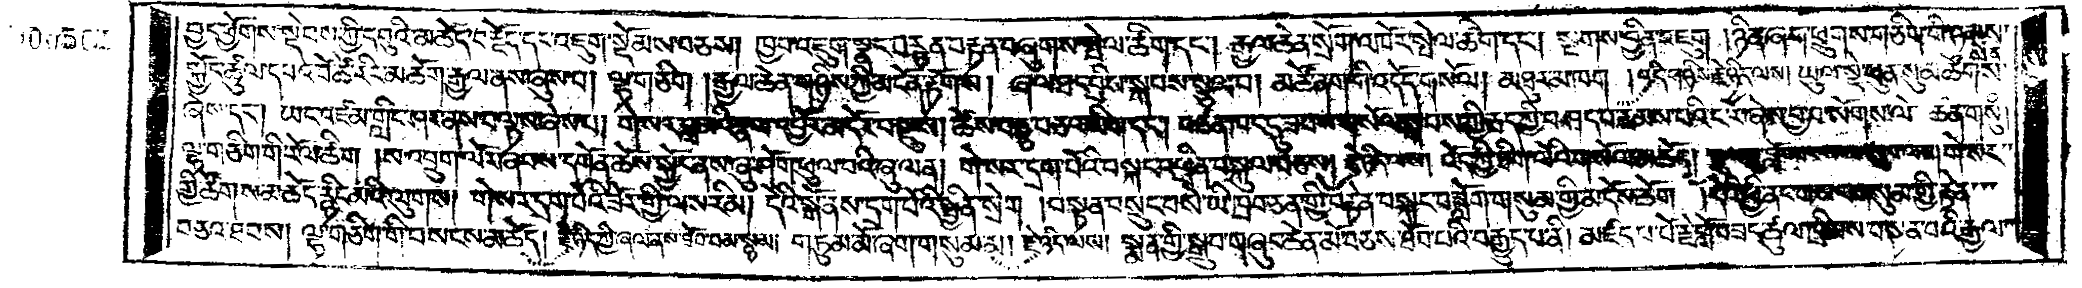བྱང་ཕྱོགས་སྡེབས་ཀྱི་དབུའི་མཆོད་བརྗོད་དང་འཇུག་སྡོམས་བཅས། ཁྱབ་འཇུག་སྣང་བརྙན་བརྟན་བཞུགས་སྤེལ་ཚིག་དང་། རྒྱལ་ཆེན་སྲོག་འཁོར་སྤེལ་ཚིག་དང་། སྔགས་བྱིན་འཇུག །ཉིན་ཞག་ཕྲུགས་གཅིག་གི་ཉམས།
སྐྱོང་ཚུལ་དཔའ་བོ་ཚེ་རིང་མཆོག་རྒྱལ་ནས་ཞུས་པ། ལྷ་གཅིག །རྒྱལ་ཆེན་གཉིས་ཀྱི་མངོན་རྟོགས། ཞལ་ཐང་བྲིས་སྐབས་སྩལ་བ། མཚོ་ནག་གི་འདོད་གསོལ། མཐུར་མ་ཁག་འདི་གཉིས་རྗེ་ཉིད་ལས།  ཡུལ་སྡེ་ཕུན་སུམ་ཚོགས་
ཞེས་དང་། ཡང་འཛམ་གླིང་ཤར་ནས་བལྟས་ཞེས་པ། གེ་སར་བླ་མའི་རྣལ་འབྱོར་མདོར་བསྡུས། ཚེས་བཅུ་བཅའ་ཡིག་དང་། བཙན་ཁང་དུ་ཟབས་གསོལ་སྐབས་ཀྱི་རྦད་ཀྱི་བཤད་པ་རྔམས་པའི་ང་རོ་ཞེས་བྱ་བ་སོགས་ལེ། ཚན་གསུཾ།
ལྷ་གཅིག་གི་རོལ་ཚིག །ས་འབྲུག་ལོར་ཞབས་དགོན་ཆོས་སྐྱོང་ནས་ཞུ་ཤོག་ཕུལ་བའི་ཞུ་ལན། གེ་སར་དྲག་པོའི་བསྐང་འཕྲིན་བསྐུལ་བཅས། རྗེ་ཉིད་ལས། འོད་ཀྱི་ཐིག་ལེའི་གསོལ་མཆོད། སྤྲུལ་སྐུ་བློ་བཟང་བསམ་འགྲུབ་ལས། གེ་སར་
གྱི་ཚོགས་མཆོད་རྙིང་མའི་ལུགས། གེ་སར་དྲག་པོའི་ཟོར་གྱི་ལས་རིམ། དེའི་སྒོ་ནས་དྲག་པོའི་སྦྱིན་སྲེག །བསྟན་བསྲུང་བསེ་ཡི་ཁྲབ་ཅན་གྱི་བརྟེན་བསྐང་བཟློག་གསུམ་གྱི་མདོས་ཆོག །དེའི་ཕྱི་ནང་གསང་གསུམ་གྱི་རྟེན་
བཅའ་ཐབས། ལྷ་གཅིག་གི་བསངས་མཆོད་རྗེ་ཉིད་ཀྱི་ཞལ་ནས་ཐོབ་བམ་སྙམ། གཏུམ་མོ་ཞག་གསུམ་མ་རྗེ་ཉིད་ལས། སྨན་གྱི་སྒྲུབ་གཞུང་ཆེན་མོ་བཅས་ཐོབ་པའི་བརྒྱུད་པ་ནི། མཛད་པ་པོ་རྗེ་བློ་བཟང་ཚུལ་ཁྲིམས་བསྟན་པའི་རྒྱལ་